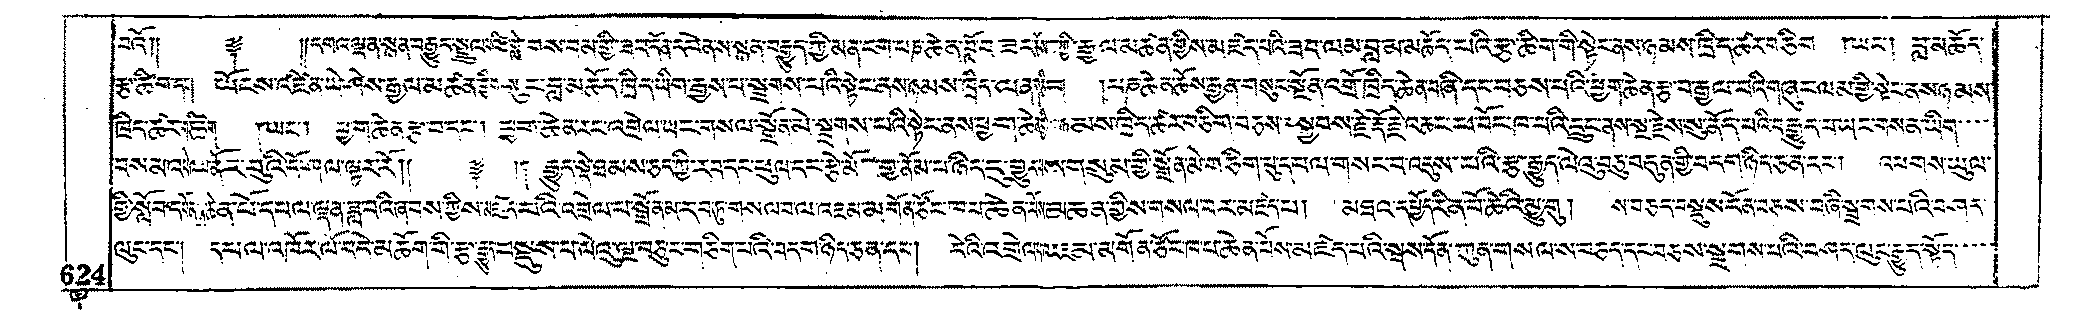བའོ།། འ་།།དགའ་ལྡན་སྙན་བརྒྱུད་སྤྲུལ་པའི་གླེགས་བམ་གྱི་ཟབ་དོན་དབེན་ས་སྙན་བརྒྱུད་ཀྱི་མན་ངག་པཎ་ཆེན་བློ་བཟང་ཆོས་ཀྱི་རྒྱལ་མཚན་གྱིས་མཛད་པའི་ཟབ་ལམ་བླ་མ་མཆོད་པའི་རྩ་ཚིག་གི་སྟེང་ནས་ཉམས་ཁྲིད་ཚར་གཅིག །ཡང་། བླ་མཆོད་
རྩ་ཚིག་དང་། ཡོངས་འཛིན་ཡེ་ཤེས་རྒྱལ་མཚན་གྱི་གསུང་བླ་མཆོད་ཁྲིད་ཡིག་རྒྱས་པ་སྦྲགས་པའི་སྟེང་ནས་ཉམས་ཁྲིད་ལན་གཅིག །པཎ་ཆེན་ཆོས་རྒྱན་གསུང་སྔོན་འགྲོ་ཁྲིད་ཆེན་བཞི་དང་བཅས་པའི་ཕྱག་ཆེན་རྩ་པ་རྒྱལ་བའི་གཞུང་ལམ་གྱི་སྟེང་ནས་ཉམས་
ཁྲིད་ཚར་གཅིག །ཡང་། ཕྱག་ཆེན་རྩ་བ་དང་། ཕྱག་ཆེན་རང་འགྲེལ་ཡང་གསལ་སྒྲོན་མེ་སྦྲགས་པའི་སྟེང་ནས་ཕྱག་ཆེན་གྱི་ཉམས་ཁྲིད་ཚར་གཅིག་བཅས ༧་སྐྱབས་རྗེ་རྡོ་རྗེ་འཆང་ཕ་བོང་ཁ་པའི་དྲུང་ནས་སྔ་རྗེས་སུ་ནོད་པའི་བརྒྱུད་པ་ཡང་གསན་ཡིག་
བསམ་འཕེལ་ནོར་བུའི་དོ་ཤལ་ལྟར་རོ།། འ་།།རྒྱུད་སྡེ་ཐམས་ཅད་ཀྱི་རབ་དང་ཕུལ་དང་རྩེ་མོ་གྱ་ནོམ་པ་ཉིད་དུ་གྱུར་པ་ས་གསུམ་གྱི་སྒྲོན་མེ་གཅིག་པུ་དཔལ་གསང་བ་འདུས་པའི་རྩ་རྒྱུད་ལེའུ་བཅུ་བདུན་གྱི་བདག་ཉིད་ཅན་དང་། འཕགས་ཡུལ་
གྱི་སློབ་དཔོན་ཆེན་པོ་དཔལ་ལྡན་ཟླ་བའི་ཞབས་ཀྱིས་མཛད་པའི་འགྲེལ་པ་སྒྲོན་མ་རབ་ཏུ་གསལ་བ་ལ་འཇམ་མགོན་ཙོང་ཁ་པ་ཆེན་པོས་མཆན་གྱིས་གསལ་བར་མཛད་པ། མཐའ་དཔྱོད་རིན་པོ་ཆེའི་མྱུ་གུ། ས་བཅད་བསྡུས་དོན་བཅས་བཞི་སྦྲགས་པའི་བཤད་
ལུང་དང་། དཔལ་འཁོར་ལོ་བདེ་མཆོག་གི་རྩ་རྒྱུད་བསྡུས་པ་ལེའུ་ལྔ་བཅུ་ང་གཅིག་པའི་བདག་ཉིད་ཅན་དང་། དེའི་འགྲེལ་པ་འཇམ་མགོན་ཙོང་ཁ་པ་ཆེན་པོས་མཛད་པའི་སྦས་དོན་ཀུན་གསལ་ས་བཅད་དང་བཅས་སྦྲགས་པའི་བཤད་ལུང་རྒྱུད་སྟོད་